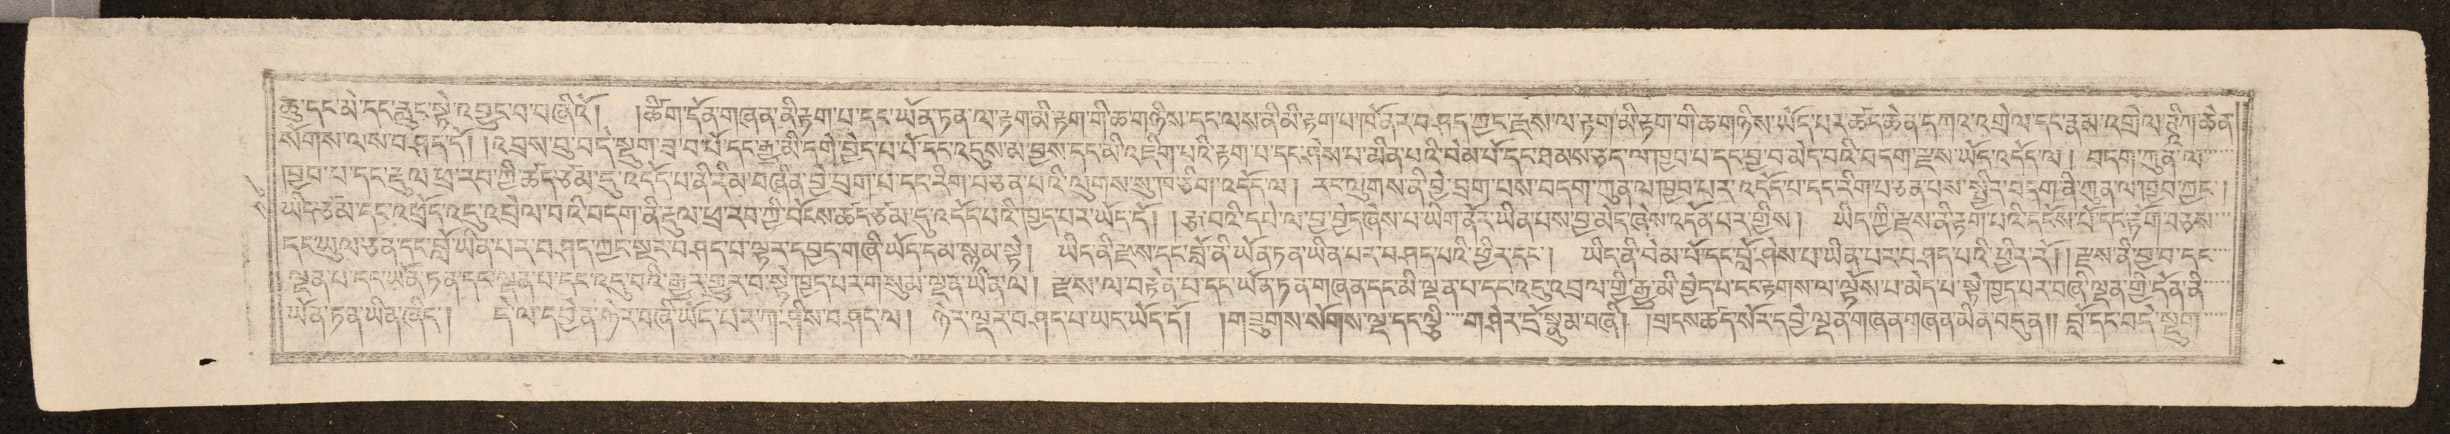ཆུ་དང་མེ་དང་རླུང་སྟེ་འབྱུང་བ་བཞིའོ། །ཚིག་དོན་གཞན་ནི་རྟག་པ་དང་ཡོན་ཏན་ལ་རྟག་མི་རྟག་གི་ཆ་གཉིས་དང་ལས་ནི་མི་རྟག་པ་ཁོ་ནར་བཤད་ཀྱང་རྫས་ལ་རྟག་མི་རྟག་གི་ཆ་གཉིས་ཡོད་པར་ཚད་ཆེན་དཀའ་འགྲེལ་དང་རྣམ་འགྲེལ་ཊཱིཀ་ཆེན་
སོགས་ལས་བཤད་དོ། །འབྲས་བུ་བདེ་སྡུག་ཟ་བ་པོ་དང་རྒྱུ་མི་དགེ་བྱེད་པ་པོ་དང་འདུས་མ་བྱས་དང་མི་འཇིག་པའི་རྟག་པ་དང་ཤེས་པ་མིན་པའི་བེམ་པོ་དང་ཐམས་ཅད་ལ་ཁྱབ་པ་དང་བྱ་བ་མེད་པའི་བདག་རྫས་ཡོད་འདོད་ལ། བདག་ཀུན་ལ་
ཁྱབ་པ་དང་རྡུལ་ཕྲ་རབ་ཀྱི་ཚད་ཙམ་དུ་འདོད་པ་ནི་རིམ་བཞིན་བྱེ་བྲག་པ་དང་རིག་པ་ཅན་པའི་ལུགས་སུ་ཁ་ཅིག་འདོད་ལ། རང་ལུགས་ནི་བྱེ་བྲག་པས་བདག་ཀུན་ལ་ཁྱབ་པར་འདོད་པ་དང་རིག་པ་ཅན་པས་སྤྱིར་བདག་ནི་ཀུན་ལ་ཁྱབ་ཀྱང་།
ཡིད་ཙམ་དང་འཕྲོད་འདུ་འབྲེལ་བའི་བདག་ནི་རྡུལ་ཕྲ་རབ་ཀྱི་བོངས་ཚང་ཙམ་དུ་འདོད་པའི་ཁྱད་པར་ཡོད་དོ། །རྩ་བའི་དཔེ་ལ་བྱ་བྱེད་ཞེས་པ་ཡིག་ནོར་ཡིན་པས་བྱ་མེད་ཞེས་འདོན་པར་གྱིས། ཡིད་ཀྱི་རྫས་ནི་རྟག་པའི་དངོས་པོ་དང་རྟོག་བཅས་
དང་ཡུལ་ཅན་དང་བློ་ཡིན་པར་བཤད་ཀྱང་སྔར་བཤད་པ་ལྟར་དབྱད་གཞི་ཡོད་དམ་སྙམ་སྟེ། ཡིད་ནི་རྫས་དང་བློ་ནི་ཡོན་ཏན་ཡིན་པར་བཤད་པའི་ཕྱིར་དང་། ཡིད་ནི་བེམ་པོ་དང་བློ་ཤེས་པ་ཡིན་པར་བཤད་པའི་ཕྱིར་རོ། །རྫས་ནི་བྱ་བ་དང་
ལྡན་པ་དང་ཡོན་ཏན་དང་ལྡན་པ་དང་འདུ་བའི་རྒྱུར་གྱུར་པ་སྟེ་ཁྱད་པར་གསུམ་ལྡན་ཡིན་ལ། རྫས་ལ་བརྟེན་པ་དང་ཡོན་ཏན་གཞན་དང་མི་ལྡན་པ་དང་འདུ་འབྲལ་གྱི་རྒྱུ་མི་བྱེད་པ་དང་རྟགས་ལ་ལྟོས་པ་མེད་པ་སྟེ་ཁྱད་པར་བཞི་ལྡན་གྱི་དོན་ནི་
ཡོན་ཏན་ཡིན་ཞིང་། དེ་ལ་དབྱེན་ཉེར་བཞི་ཡོད་པར་ཀ་ཤིས་བཤད་ལ། ཉེར་ལྔར་བཤད་པ་ཡང་ཡོད་དོ། །གཟུགས་སོགས་ལྔ་དང་ལྕི་གཤེར་དྲོ་སྣུམ་བཞི། །གྲངས་ཚད་སོར་དབྱེ་ལྡན་གཞན་གཞན་མིན་བདུན། །བློ་དང་བདེ་སྡུག་